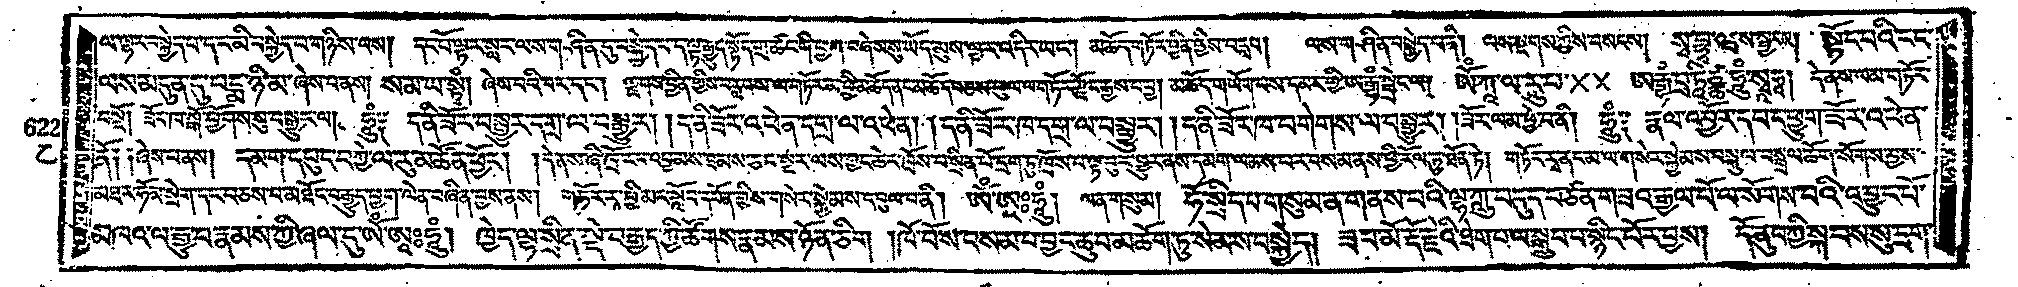ལ་ལྟར་བསྐྱེད་པ་དང་མི་བསྐྱེད་པ་གཉིས་ལས། དང་པོ་ལྟར་སླར་ལས་གཤིན་དུ་བསྐྱེད་པ་ད་ལྟ་རྒྱུད་སྟོད་གྲ་ཚང་གི་ཕྱག་བཞེས་སུ་ཡོད་མུས་ལྟར་འདིར་ཡང་། མཆོད་གཏོར་བྱིན་གྱིས་བརླབ། ལས་གཤིན་བསྐྱེད་པ་ནི། ལས་སྔགས་ཀྱིས་བསངས། སྭཱབྷཱ་ཝས་སྦྱངས། སྟོང་པའི་ངང་
ལས་མདུན་དུ་པདམ་ཉི་མ་ཞེས་པ་ནས།  ས་མ་ཡ་སྟྭཾ། ཞེས་པའི་བར་དང་། ལྗགས་བྱིན་གྱིས་བརླབས་ལ་གཏོར་མ་ཕྱི་མཆོད་ནང་མཆོད་བཅས་ཕུལ་ལ་གཏོར་རྫོང་རྒྱས་པ་བྱ། མཆོད་གཡོག་པས་དམར་གྱི་ཨརྒྷཾ་སྒྲེང་ལ།  ཨོཾ་ཀཱ་ལ་རཱུ་པ་྾་྾་྾་ཨརྒྷཾ་པྲ་ཏཱིཙྪ་ཧཱུཾ་སྭཱཧཱ། དེ་ནས་ལམ་གཏོར་
བསྔོ། ཟོར་ཁ་སྒོ་ཕྱོགས་སུ་བསྒྱུར་ལ། ཧཱུཾ༑ ད་ནི་ཟོར་བསྒྱུར་དགྲ་ལ་བསྒྱུར། །ད་ནི་ཟོར་འཕེན་དགྲ་ལ་འཕེན། །ད་ནི་ཟོར་ཁ་དགྲ་ལ་བསྒྱུར། །ད་ནི་ཟོར་ཁ་བགེགས་ལ་བསྒྱུར། །ཟོར་ལམ་ཕྱེ་བ་ནི།  ཧཱུཾ༑ རྣལ་འབྱོར་དབང་ཕྱུག་ཟོར་འཕེན་
ནོ༑ ༑ཞེས་པ་ནས།  དམག་དཔུང་བཀྱེ་ལ་རུ་མཚོན་ཕྱོར། །དེ་ནས་ཞི་ཁྲོ་རབ་འབྱམས་ཐམས་ཅད་སྔར་ལས་ཀྱང་ཆེར་ཁྲོས་པ་སྲིན་པོ་དྲག་ཏུ་ཁྲོས་པ་ལྟ་བུར་གྱུར་ནས་དམག་ལ་ཆས་པར་བསམ་ནས་ཕྱི་རོལ་ཏུ་ཐོན་ཏེ། གཏོར་རྭ་ན་ངམ་ལ་གསེར་སྐྱེམས་བསྐུལ་བསྒྲལ་ཆོག་སོགས་བྱས་
མཐར་ཧོམ་སྲེག་དང་བཅས་པ་མཐོང་བརྒྱུད་ཕྱག་ལེན་བཞིན་བྱས་ནས། གཏོར་རྭ་ཕྱི་མར་སློབ་དཔོན་གྱིས་གསེར་སྐྱེམས་འབུལ་བ་ནི། ཨོཾ་ཨཱཿཧཱུཾ། ལན་གསུམ།  ཧོ་སྲིད་པ་གསུམ་ན་གནས་པའི་ལྷ་ཀླུ་བདུད་བཙན་གཟའ་རྒྱལ་པོ་ལ་སོགས་པའི་འབྱུང་པོ་
མཁའ་ལ་རྒྱུ་བ་རྣམས་ཀྱི་ཞལ་དུ་ཨོཾ་ཨཱཿཧཱུཾ། ཁྱེད་ལྷ་སྲིན་སྡེ་བརྒྱད་ཀྱི་ཚོགས་རྣམས་ཉོན་ཅིག །ཁོ་བོས་བསམ་པ་བྱང་ཆུབ་མཆོག་ཏུ་སེམས་བསྐྱེད། ཟབ་མོ་རྡོ་རྗེའི་ཐེག་པ་ལ་སྒྲུབ་པ་སྙིང་པོར་བྱས། དོ་ནུབ་ཀྱི་སྐབས་སུ་དྲག་